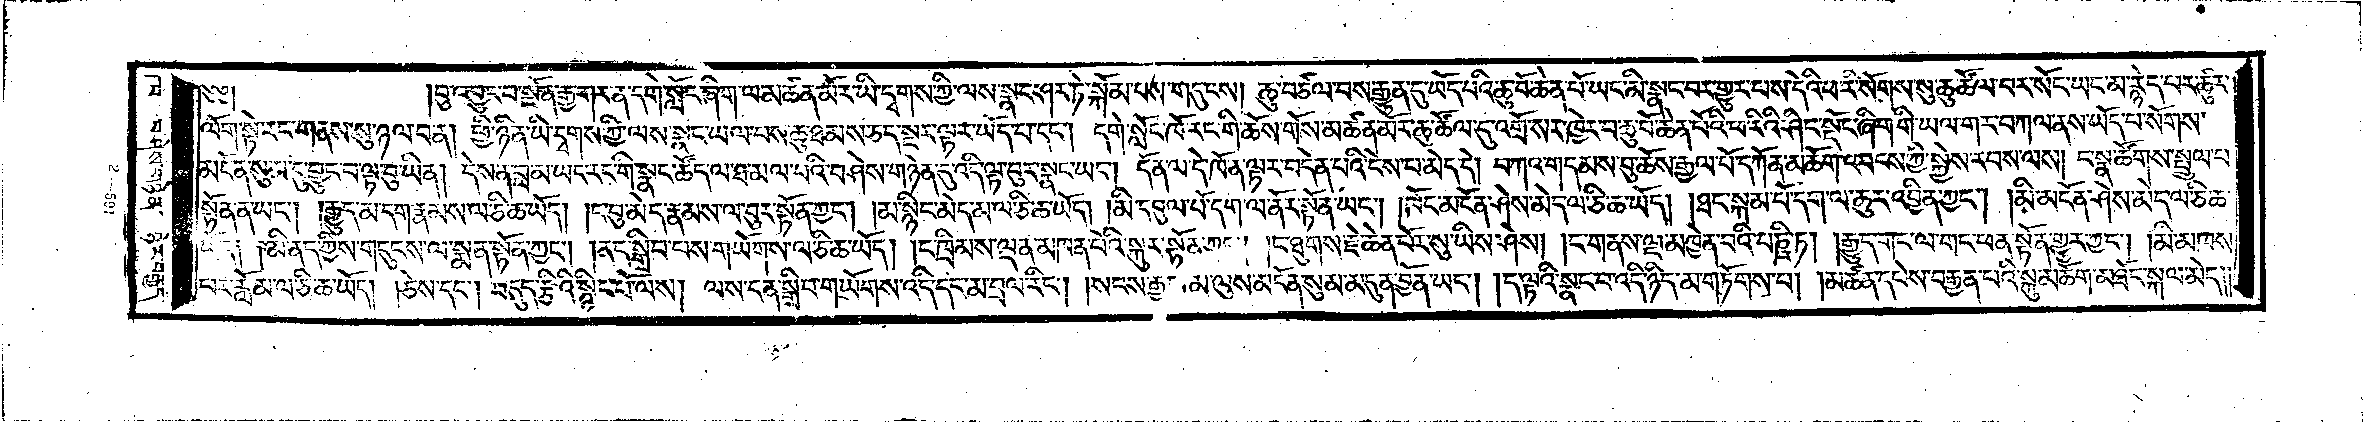༄༅། །བུ་འབྱུང་བ་སྔོན་རྒྱ་གར་ན་དགེ་སློང་ཞིག་ལ་མཚན་མོར་ཡི་དྭགས་ཀྱི་ལས་སྣང་ཤར་ཏེ་སྐོམ་པས་གདུངས། ཆུ་བཙལ་བས་རྒྱུན་དུ་ཡོད་པའི་ཆུ་བོ་ཆེན་པོ་ཡང་མི་སྣང་བར་གྱུར་པས་དེའི་ཕ་རི་སོགས་སུ་ཆུ་ཚོལ་བར་སོང་ཡང་མ་རྙེད་པར་ཚུར་
ལོག་སྟེ་རང་གནས་སུ་ཉལ་བ་ན། ཕྱི་ཉིན་ཡི་དྭགས་ཀྱི་ལས་སྣང་ཡལ་བས་ཆུ་ཐམས་ཅད་སྔར་ལྟར་ཡོད་པ་དང་། དགེ་སློང་ཁོ་རང་གི་ཆོས་གོས་མཚན་མོར་ཆུ་ཚོལ་དུ་འགྲོ་སར་ཁྱེར་བ་ཆུ་བོ་ཆེན་པོའི་ཕ་རིའི་ཤིང་སྡོང་ཞིག་གི་ཡལ་གར་བཀལ་ནས་ཡོད་པ་སོགས་
མངོན་སུམ་དུ་བྱུང་བ་ལྟ་བུ་ཡིན། དེས་ན་བླ་མ་ཡང་རང་གི་སྣང་ཚོད་ལ་ཐ་མལ་པའི་བཤེས་གཉེན་དུ་འདི་ལྟ་བུར་སྣང་ཡང་། དོན་ལ་དེ་ཁོ་ན་ལྟར་བདེན་པའི་ངེས་པ་མེད་དེ། བཀའ་གདམས་བུ་ཆོས་རྒྱལ་པོ་དཀོན་མཆོག་བསངས་ཀྱི་སྐྱེས་རབས་ལས། ང་སྣ་ཚོགས་སྤྲུལ་པ་
སྟོན་ན་ཡང་། །རྒྱུད་མ་དག་རྣམས་ལ་ཅི་ཆ་ཡོད། །ང་བུ་མེད་རྣམས་ལ་བུར་སྟོན་ཀྱང་། །མ་སྙིང་མེད་མ་ལ་ཅི་ཆ་ཡོད། །མི་དབུལ་པོ་དག་ལ་ནོར་སྟོན་ཡང་། །ཁོང་མངོན་ཤེས་མེད་ལ་ཅི་ཆ་ཡོད། །ཐང་སྐམ་པོ་དག་ལ་ཆུར་འབྱིན་ཀྱང་། །མི་མངོན་ཤེས་མེད་ལ་ཅི་ཆ་
ཡོད༑ ༑མི་ནད་ཀྱིས་གདུངས་ལ་སྨན་སྟོན་ཀྱང་། །ནང་སྒྲིབ་བས་གཡོགས་ལ་ཅི་ཆ་ཡོད། །ང་ཁྲིམས་ལྡན་མཁན་པོའི་སྐུར་སྟོན་ཀྱང་། །ང་ཐུགས་རྗེ་ཆེན་པོར་སུ་ཡིས་ཤེས། །ང་གནས་ལྔ་མཁྱེན་པའི་པཎྜི་ཏ། །རྒྱུད་གང་ལ་གང་ཕན་སྟོན་གྱུར་ཀྱང་། །མི་མཁས་
པར་རློམ་ལ་ཅི་ཆ་ཡོད། །ཅེས་དང་། བདུད་རྩིའི་སྙིང་པོ་ལས། ལས་ངན་སྒྲིབ་གཡོགས་འདི་དང་མ་བྲལ་རིང་། །སངས་རྒྱས་མ་ལུས་མངོན་སུམ་མདུན་བྱོན་ཡང་། །ད་ལྟའི་སྣང་བ་འདི་ཉིད་མ་གཏོགས་པ། །མཚན་དཔེས་བརྒྱན་པའི་སྐུ་མཆོག་མཐོང་སྐལ་མེད།།